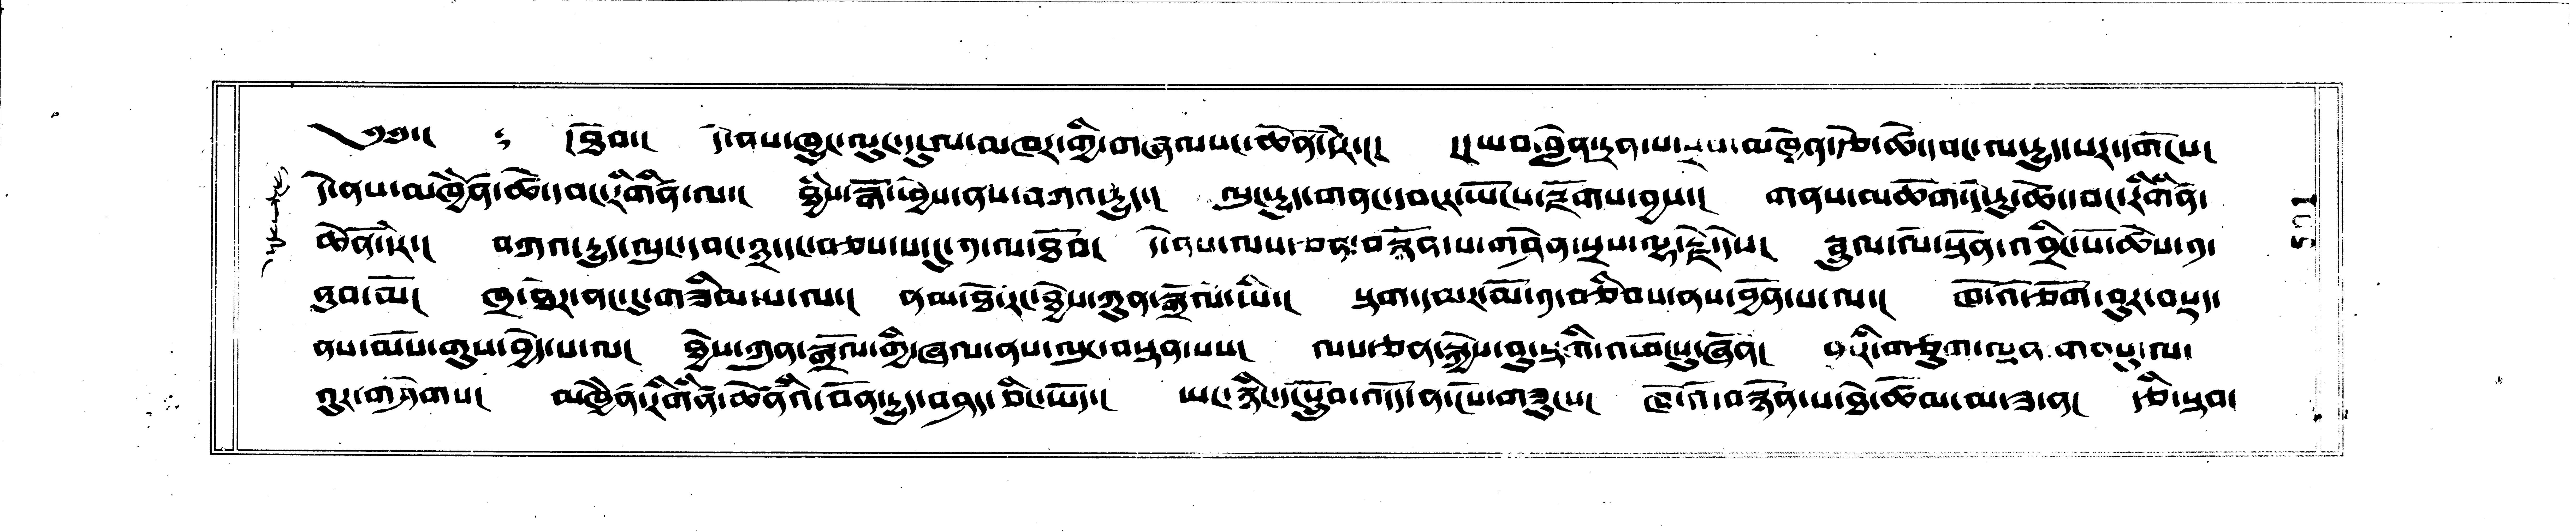ཐོབ། ། དེ་ནས་ཁྱུང་ལུང་དངུལ་མཁར་གྱིས་གཞལ་ཡས་ཁང་ཆེན་པོར་དེར། ཡབ་བླ་ཆེན་དྲན་པས། སྲས་མཁྱེན་བརྩེ་ཆེན་པོ་ཚེ་དབང་རིག་འཛིན་ལ་རྒྱུད་པར་དགོངས། 
དེ་ནས་མཁྱེན་བརྩེ་ཆེན་པོ་ཚེ་དབང་རིག་འཛིན་ལ། ཐུགས་ཀྱིས་སྒོ་ཕྱེས་ནས་བཀའ་རྒྱུད་བཤད། ལུང་རྒྱུད་གནང་། དབང་སྐུར་ཡོངས་རྫོགས་བྱས། གནས་མཆོག་དེ་རུ་ཚེ་དབང་རིག་འཛིན་
ཆེན་པོ་དེས། བཀའ་རྒྱུད་ལུང་དབང་གསུམ་དང་བཅས་པ་དུས་ཅིག་ལ་ཐོབ། དེ་ནས་ལས་ཅན་བསྙོན་པ་གཤེན་སྲས་ལྷ་རྗེ་དེས། སྦྲུལ་ལོ་སྟོན་འབྲིང་པོའི་ཚེས་བཅུ་གཅིག་
ནུབ་མོ། ཁྲ་ཐེར་ནང་དུ་གཟིམ་ནས་ཡོད་པ་ལ། ནམ་མཐོ་རང་༼རེངས༽ཐུགས་རྗེས་ཀུན་གྲོལ་གྱིས། སྟག་དམར་པོ་ཅིག་བཅིབ་ནས་བྱོན་པ་ལས། ཁོ་བོ་ཅོག་པུར་བསྡད་
ནས་མོས་གུས་བྱས་པ་ལ། ཐུགས་རྗེས་ཀུན་གྲོལ་གྱིས་ཞལ་ནས་ལུང་བསྟན་པས། ལས་ཅན་སྐྱེས་བུ་སྟག་གི་འཕོངས་སུ་ཞོན། བྱ་རི་གཙུག་ལྡན་གནས་སུ་ལ་
འུར་གཤེགས། མཁྱེན་བརྩེ་རིག་འཛིན་ཆེན་པོའི་བོན་རྒྱུད་བཤད་ཅིང་ཡོད། ཡང་སྙིང་དངོས་གྲུབ་འདོད་ན་ད་འདོང་གསུངས། ཁོ་བོ་བསྙོན་པས་ཐེ་ཚོམ་མ་ཟོས་ན། རྩིས་བརྡབ་